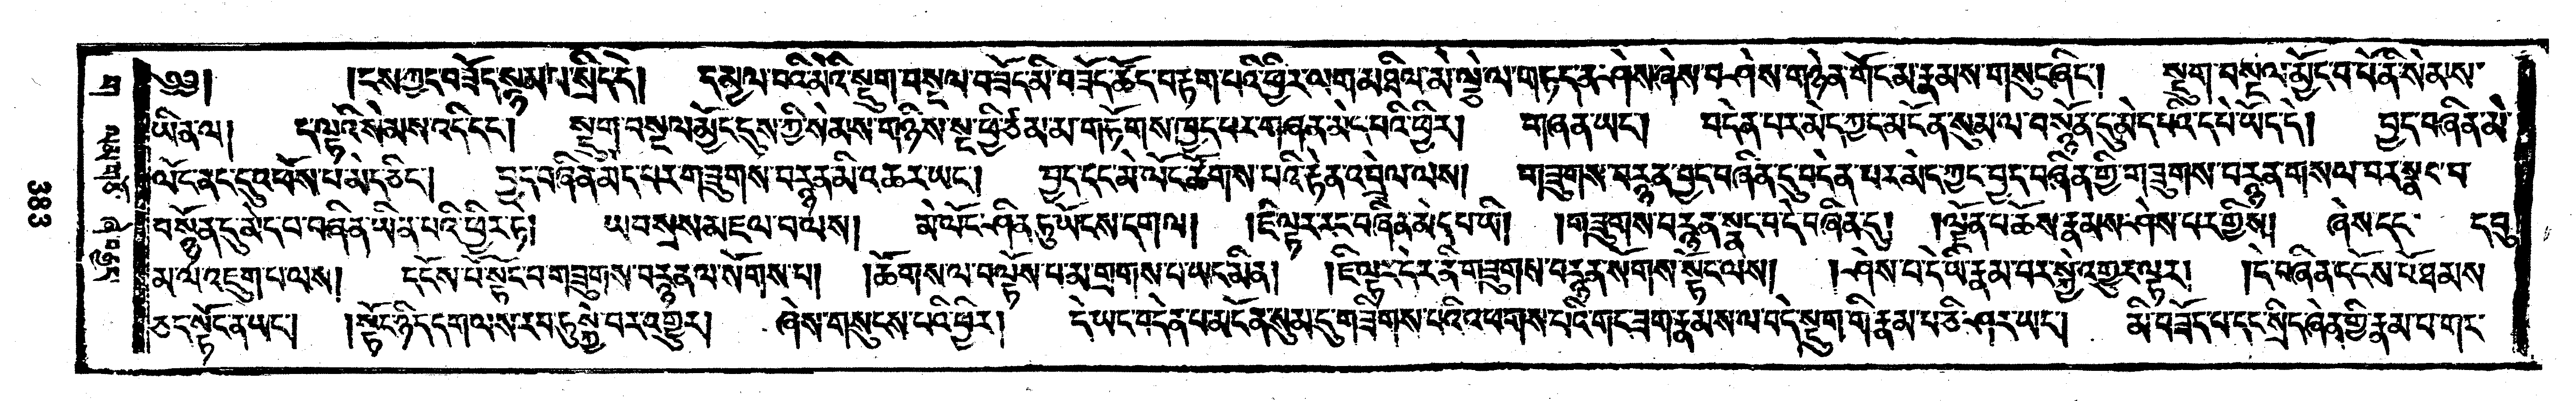༄༅། །ངས་ཀྱང་བཟོད་སྙམ་པ་སྲིད་དེ། དམྱལ་བའི་མེའི་སྡུག་བསྔལ་བཟོད་མི་བཟོད་ཚོད་བརྟག་པའི་ཕྱིར་ལག་མཐིལ་མེ་ལྕེ་ལ་གཏད་ན་ཤེས་ཞེས་བཤེས་གཉེན་གོང་མ་རྣམས་གསུང་ཞིང་། སྡུག་བསྔལ་མྱོང་བ་པོ་ནི་སེམས་
ཡིན་ལ། ད་ལྟའི་སེམས་འདི་དང་། སྡུག་བསྔལ་མྱོང་དུས་ཀྱི་སེམས་གཉིས་སྔ་ཕྱི་ཙམ་མ་གཏོགས་ཁྱད་པར་གཞན་མེད་པའི་ཕྱིར། གཞན་ཡང་། བདེན་པར་མེད་ཀྱང་མངོན་སུམ་ལ་བསྙོན་དུ་མེད་པའི་དཔེ་ཡོད་དེ། བྱང་བཞིན་མེ་
ལོང་ནང་དུ་འཕོས་པ་མེད་ཅིང་། བྱང་བཞིན་མེད་པར་གཟུགས་བརྙན་མི་འཆར་ཡང་། བྱང་དང་མེ་ལོང་ཚོགས་པའི་རྟེན་འབྲེལ་ལས། གཟུགས་བརྙན་བྱང་བཞིན་དུ་བདེན་པར་མེད་ཀྱང་བྱད་བཞིན་གྱི་གཟུགས་བརྙན་གསལ་བར་སྣང་བ་
བསྙོན་དུ་མེད་པ་བཞིན་ཡིན་པའི་ཕྱིར་ཏེ། ཡབ་སྲས་མཇལ་བ་ལས། མེ་ལོང་ཤིན་ཏུ་ཡོངས་དག་ལ། །ཇི་ལྟར་རང་བཞིན་མེད་པ་ཡི། །གཟུགས་བརྙན་སྣང་བ་དེ་བཞིན་དུ། །ལྗོན་པ་ཆོས་རྣམས་ཤེས་པར་གྱིས། །ཞེས་དང་། དབུ་
མ་ལ་འཇུག་པ་ལས། དངོས་པོ་སྟོང་པ་གཟུགས་བརྙན་ལ་སོགས་པ། །ཚོགས་ལ་བལྟོས་པ་མ་གྲགས་པ་ཡང་མིན། །ཇི་ལྟར་དེར་ནི་གཟུགས་བརྙན་སོགས་སྟོང་ལས། །ཤེས་པ་དེ་ཡི་རྣམ་པར་སྐྱེ་འགྱུར་ལྟར། །དེ་བཞིན་དངོས་པོ་ཐམས་
ཅད་སྟོང་ན་ཡང་། །སྟོང་ཉིད་དག་ལས་རབ་ཏུ་སྐྱེ་བར་འགྱུར། ཞེས་གསུངས་པའི་ཕྱིར། དེ་ཡང་བདེན་པ་མངོན་སུམ་དུ་གཟིགས་པའི་འཕགས་པའི་གང་ཟག་རྣམས་ལ་བདེ་སྡུག་གི་རྣམ་པ་ཅི་ཤར་ཡང་། མི་བཟོད་པ་དང་སྲིད་ཞེན་གྱི་རྣམ་པ་གང་